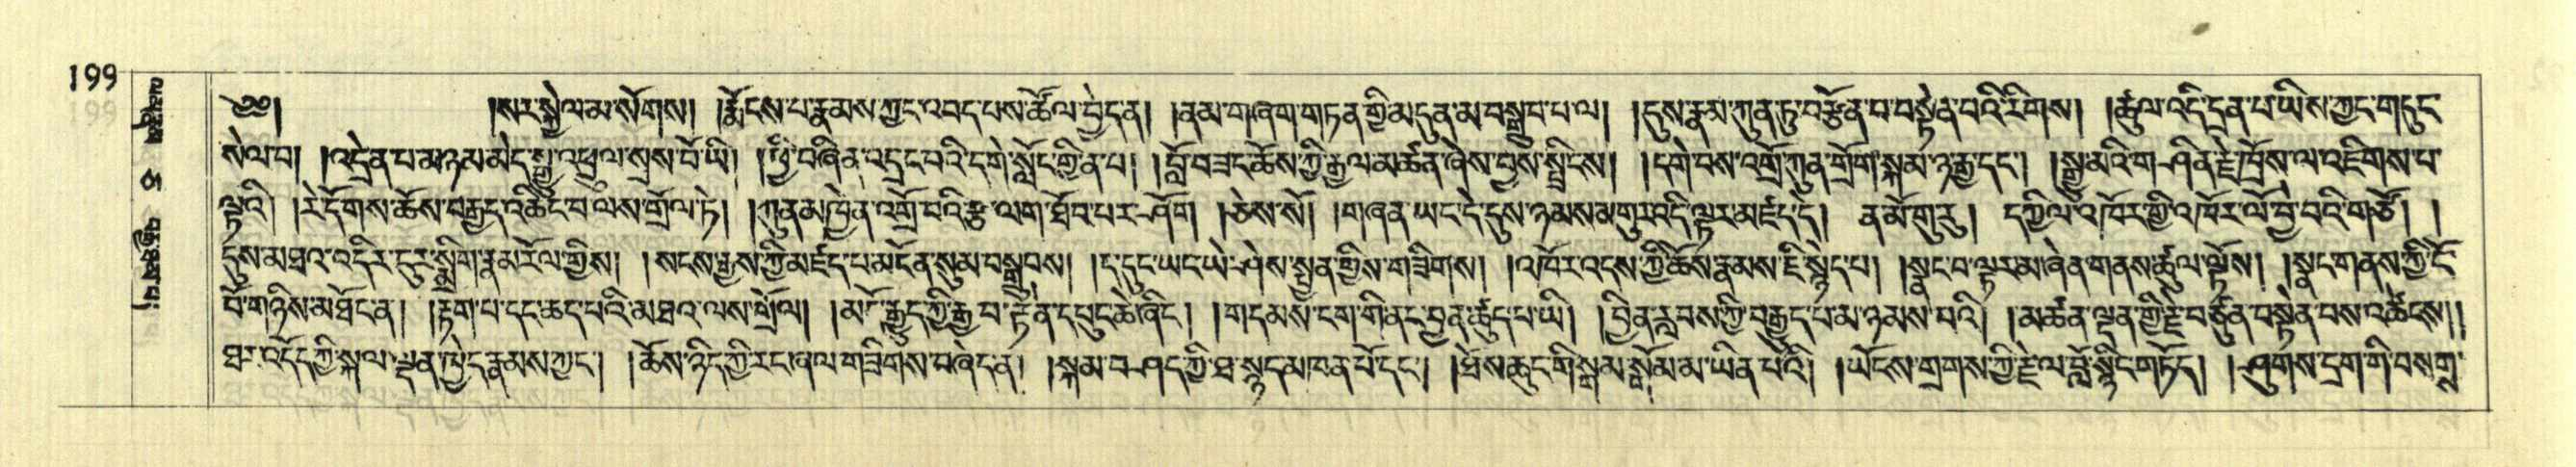༄༅། །སར་སྐྱེལ་མ་སོགས། །རྨོངས་པ་རྣམས་ཀྱང་འབད་པས་ཚོལ་བྱེད་ན། །ནམ་གཞག་གཏན་གྱི་མདུན་མ་བསྒྲུབ་པ་ལ། །དུས་རྣམ་ཀུན་ཏུ་བརྩོན་བ་བསྟེན་བའི་རིགས། །ཚུལ་འདི་དྲན་པ་ཡིས་ཀྱང་གདུང་
སེལ་བ། །འདྲེན་པ་མཉམ་མེད་སྒྱུ་འཕྲུལ་སྲས་བོ་ཡི། །ཕྱི་བཞིན་འདྲང་བའི་དགེ་སློང་གྱི་ན་པ། །བློ་བཟང་ཆོས་ཀྱི་རྒྱལ་མཚན་ཞེས་བྱས་སྤྲིངས། །དགེ་བས་འགོར་ཀུན་གྲོག་སྐམ་ཉ་རྒྱ་དང་། །སྒྱུ་མའི་གཤིན་རྗེ་ཁྲོས་ལ་འཇིགས་པ་
ལྟའི། །རེ་དོགས་ཆོས་བརྒྱད་འཆིང་བ་ལས་གྲོལ་ཏེ། །ཀུན་མཁྱེན་འགྲོ་བའི་རྩ་ལག་ཐོབ་པར་ཤོག །ཅེས་སོ། །གཞན་ཡང་དེ་དུས་ཉམས་མགུར་འདི་ལྟར་མཛད་དེ། ན་མོ་གུ་རུ། དཀྱིལ་འཁོར་གྱི་འཁོར་ལོ་བྱེ་བའི་གཙོ། །
དུས་མཐའ་འདིར་དུར་སྨྲིག་རྣམ་རོལ་གྱིས། །སངས་རྒྱས་ཀྱི་མཛད་པ་མངོན་སུམ་བསྒྲུབས། །ད་དུང་ཡང་ཡེ་ཤེས་སྤྱན་གྱིས་གཟིགས། །འཁོར་འདས་ཀྱི་ཆོས་རྣམས་ཇི་སྙེད་པ། །སྣང་བ་ལྟར་མ་ཞེན་གནས་ཚུལ་ལྟོས། །སྣང་གནས་ཀྱི་ངོ་
བོ་གཉིས་མཐོང་ན། །རྟག་པ་དང་ཆད་པའི་མཐའ་ལས་གྲོལ། །མདོ་རྒྱུད་ཀྱི་རྒྱབ་རྟེན་དཔུང་ཆེ་ཞིང་། །གདམས་ངག་གི་ནང་བྱན་ཚུད་པ་ཡི། །བྱིན་རླབས་ཀྱི་བརྒྱུད་པ་མ་ཉམས་པའི། །མཚན་ལྡན་གྱི་རྗེ་བཙུན་བསྟེན་པས་འཚེངས།།
ཐར་འདོད་ཀྱི་སྐལ་ལྡན་ཁྱེད་རྣམས་ཀྱང་། །ཆོས་ཉིད་ཀྱི་རང་ཞལ་གཟིགས་བཞེད་ན། །སྐམ་བཤད་ཀྱི་ཐ་སྙད་མཁན་པོ་དང་། །ཐོས་ཆུང་གི་སྒམ་སྒོམ་མ་ཡིན་པའི། །ཡོངས་གྲགས་ཀྱི་རྗེ་ལ་བློ་སྙིང་གཏོད། །ཤུགས་དྲག་གི་བསགས་